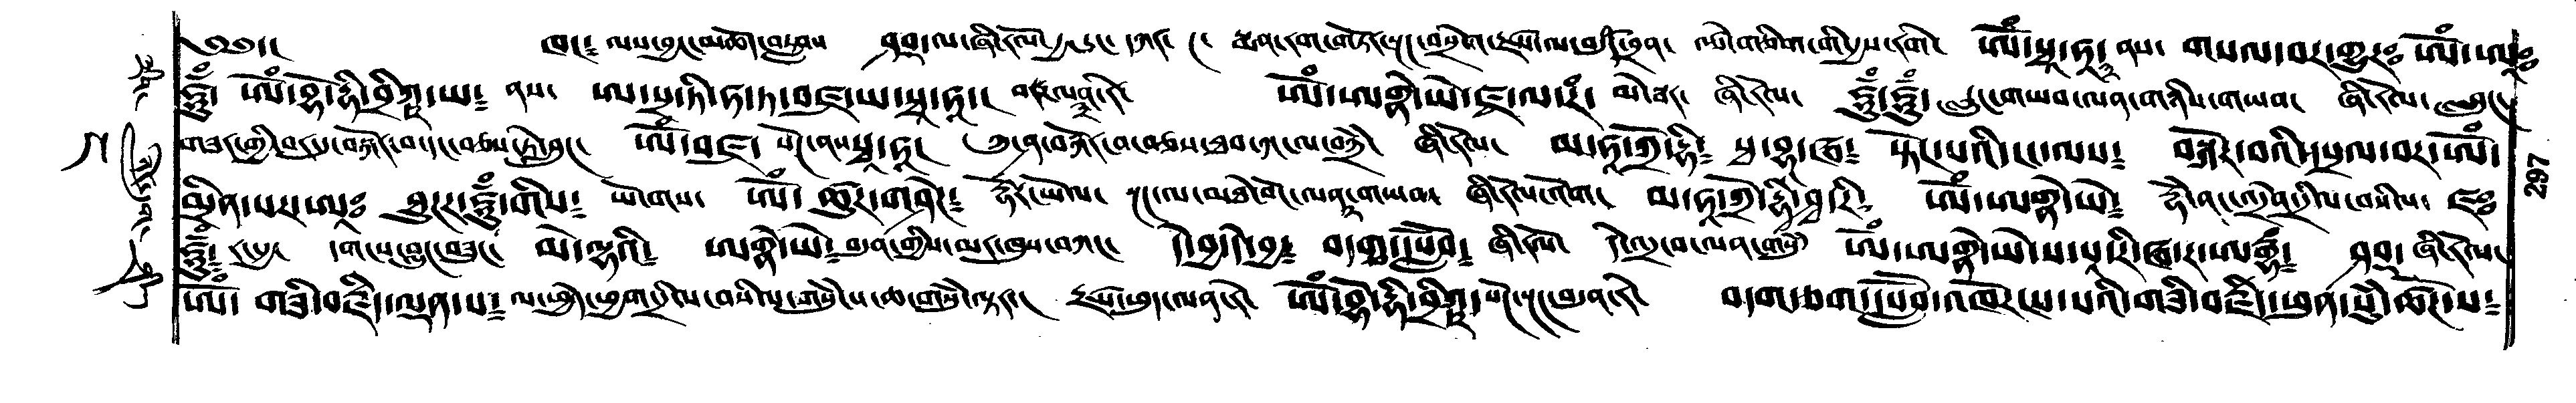ཁང༴ ལས་བྱང་མཆོད་རླབས། ཤབྡ་ལ་ཞི་རོལ། རྒྱ། དུང་། དཀར། ཌཱ། སྨན་རཀ་གཏོར་སྔགས་སྲེག་རྫས་ལ་བདུད་རྩི་བྲན། རྩེ་གཅིག་གི་རྒྱས་རེག ཨོཾ་སྭ་ཧཱཿ གསུམ། ནས། གསལ་བར་གྱུར། ཨོཾ་ཨཱཿ
ཧཱུྃ། ཨོཾ་བྷོ་དྷི་བྲིཀྵ་ཡ༴ ནས། ཨ་པྲ་ཏི་ཧ་ཏ་བཛྲ་ཡ་སྭ་ཧཱ། བར་ལན་གསུམ་རེ། ཨོཾ་ཨགྣེ་ཡེ་ཛྭ་ལ་རཾ། མེ་སྦར། ཞི་རོལ། ཧཱུྃ་ཧཱུྃ། རླུང་གཡབ་ལན་གཉིས་གཡབ། ཞི་རོལ། བླུག་
གཟར་གྱི་བར་དུ་བསྐོར་བ་དང་བཅས་ཏེ་བླུགས། ཨོཾ་བཛྲ༴ སོགས་ནས་སྭ་ཧཱ། ཀུ་ཤ་བསྐོར་བ་བཅས་ཐབ་ཀ་ལ་དགྲམ། ཞི་རོལ། མ་ཧཱ་ཀྲོ་དྷི༴ སྭ་བྷ་ཝ༴ སྟོང་པའི་ངངལས༴ བསྐོར་བའི་དཔྲལ་བར་ཨོཾ། 
མགྲིན་པར་ཨཱཿ ཐུགས་ཀར་ཧཱུྃ་གིས༴ ཡོ་གས། ཨོཾ། ཚུར་གཤེགས༴ རྡོར་ཡོལ། སྔགས་ལ་མཐེ་བོང་ལན་གཉིས་གཡབ། ཞི་རོལ་འོག མ་ཧཱ་ཀྲོ་དྷི་ཤྭ་རི༴ ཨོཾ་ཨགྣེ་ཡེ༴ རྡོ་རྗེ་ནང་འདྲེན་དྲིལ་བསིལ། ཛཿ
ཧཱུྃ༴ རང་རྒྱ། དགང་བླུག་གཟུང་། མེ་ལྷའི༴ ཨགྣེ་ཡེ༴ བདུན་གྱིས་མར་ཁུ་དགང་། དེ་བྱ་དེ་བྱ༴ བདག་ཅག་དཔོན་སློབ༴ ཞི་རོལ། དེ་འདྲ་བ་ལན་གསུམ། ཨོཾ་ཨགྣེ་ཡེ་ས་པཱ་རི་ཝ་ར་ཨརྒྷཾ༴ ཤབྡ། ཞི་རོལ། 
ཨོཾ། གཟི་བརྗིད་ལྡན་པ༴ ལ་ཕྱེད་པག་དྲིལ་བསིལ་གསུམ་པ་ཆ་གསུམ་ལྟར། རྫས་ཕུད་ལན་རེ། ཨོཾ་བྷོ་དྷི་བྲིཀྵ༴ སོགས་སྔགས་བདུན་རེ། བདག་ཅག་དཔོན་སློབ་འཁོར་བཅས་པའི་གཟི་བརྗིད་ཕུན་སུམ་ཚོགས་པ༴